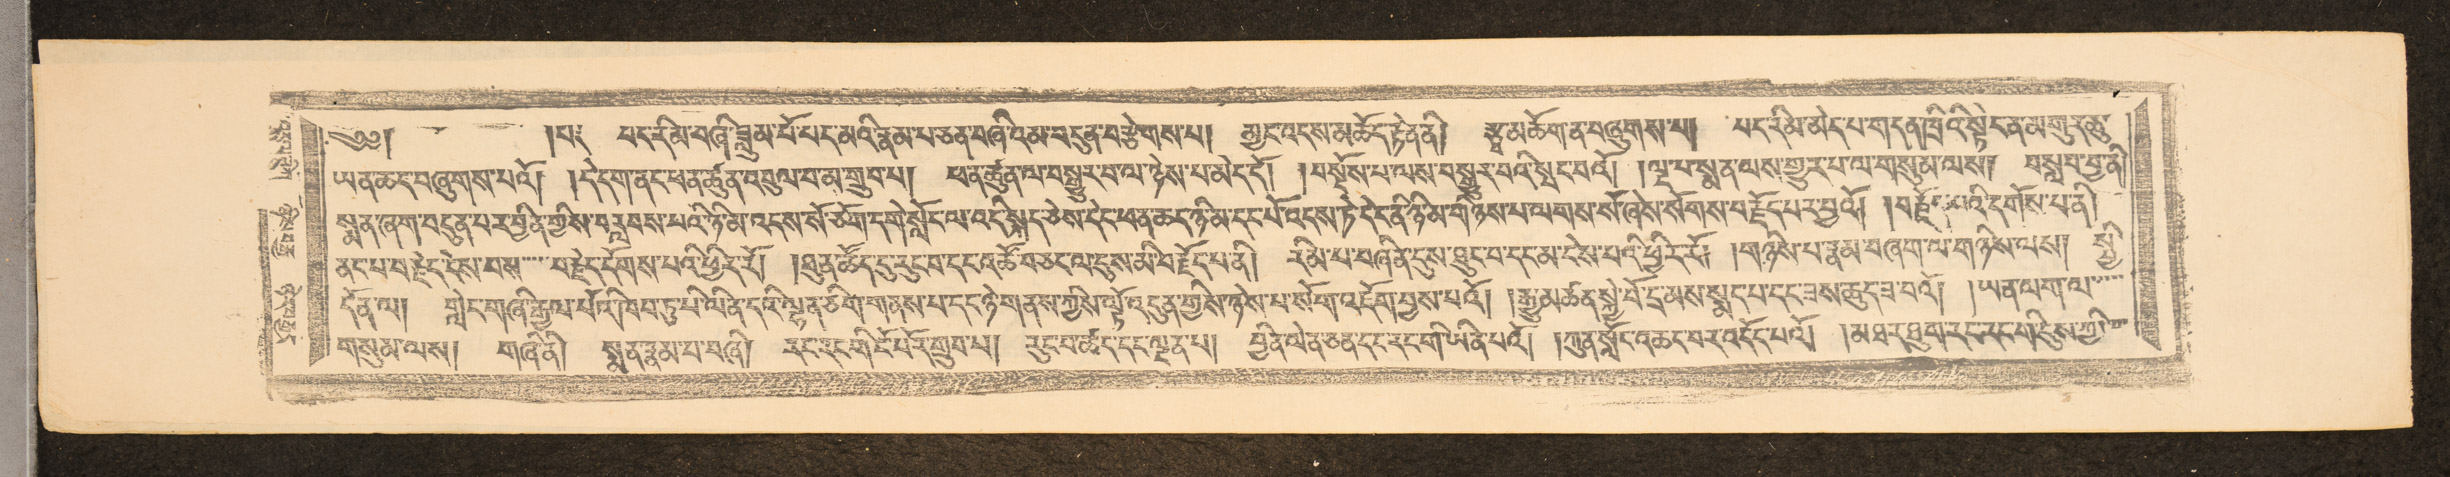༄༅། །པ༑ བང་རིམ་བཞི་ཟླུམ་པོ་པད་མའི་རྣམ་པ་ཅན་བཞི་འམ་བདུན་བརྩེགས་པ། མྱང་འདས་མཆོང་རྟེན་ནི། རྩྭ་མཆོག་ན་བཞུགས་པ། བང་རིམ་མེད་པ་གདན་ཁྲིའི་སྟེང་ན་མགུར་ཆུ་
ཡན་ཆད་བཞུགས་པའོ། །དེ་དག་ནང་ཕན་ཚུན་འབུལ་བ་མ་གྲུབ་པ། ཕན་ཚུན་ལ་བསྒྱུར་བ་ལ་ཉེས་པ་མེད་དོ། །བསྔོས་པ་ལས་བསྒྱུར་བའི་སྤང་པའོ། །ལྔ་པ་སྨན་ལས་གྱུར་པ་ལ་གསུམ་ལས། བསླབ་བྱ་ནི།
སྨན་ཞག་བདུན་པར་བྱིན་གྱིས་བརླབས་པའི་ཉི་མ་འདས་སོ་ཅོག་དགེ་སློང་ལ་འདི་སྐད་ཅེས་དེང་ཕན་ཆད་ཉི་མ་དང་པོ་འདས་ཏེ་དེད་ནི་ཉི་མ་གཉིས་པ་ལགས་སོ་ཞེས་སོགས་བརྗོད་པར་བྱའོ། །བརྗོད་པའི་དགོས་པ་ནི།
ནང་པ་བརྗེད་ངས་པས་བརྗེད་དོགས་པའི་ཕྱིར་རོ། །ཐུན་ཚོད་དུ་རུང་བ་དང་འཚོ་བཅང་ལ་དུས་མི་བརྗོད་པ་ནི། རིམ་པ་བཞིན་དུས་ཐུང་བ་དང་མ་དེས་པའི་ཕྱིར་རོ། །གཉིས་པ་རྣམ་བཞག་ལ་གཉིས་ལས། སྤྱི་
དོན་ལ། གླེང་གཞི་རྒྱལ་པོའི་ཁབ་ཏུ་པི་ལིན་དའི་ལྷན་ཅིག་གནས་པ་དང་ཉེ་གནས་ཀྱིས་ལྟོ་འདུན་གྱིས་ཉེས་པ་སོག་འཇོག་བྱས་པའོ། །རྒྱུ་མཚན་སྐྱེ་བོ་དྲ་མས་སྨད་པ་དང་ཟས་ཆུད་ཟ་བའོ། །ཡན་ལག་ལ་
གསུམ་ལས། གཞི་ནི། སྨན་རྣམ་པ་བཞི། རང་རང་གི་ངོ་བོར་གྲུབ་པ། རུང་བ་ཚད་དང་ལྡན་པ། བྱིན་ལེན་ཅན་དང་རང་གི་ཡིན་པའོ། །ཀུན་སློང་འཆང་བར་འདོད་པའོ། །མཐར་ཐུག་རང་རང་གི་དུས་ཀྱི་